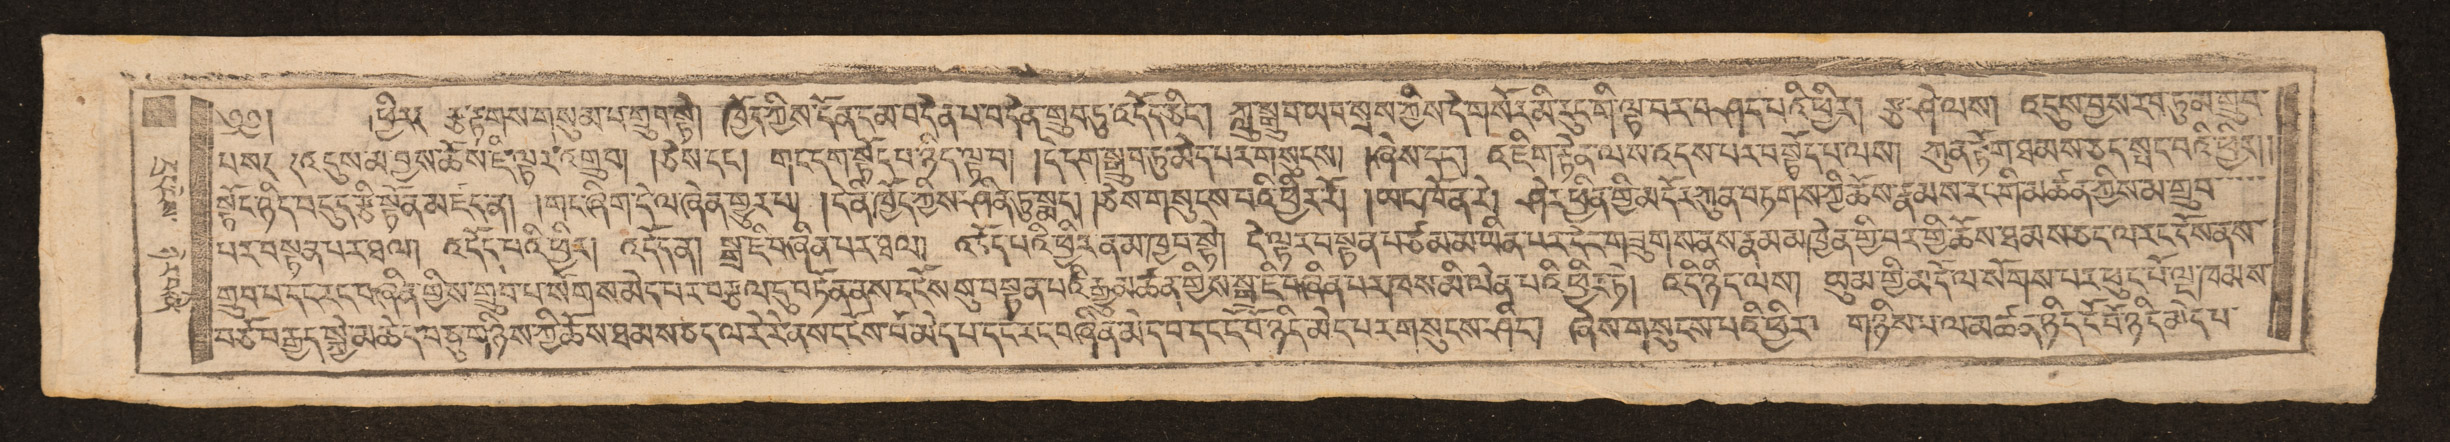༄༅། །ཕྱིར༑ རྩ་རྟགས་གསུམ་པ་གྲུབ་སྟེ། ཁྱོད་ཀྱིས་དོན་དམ་བདེན་པ་བདེན་གྲུབ་ཏུ་འདོད་ཅིང་། ཀླུ་སྒྲུབ་ཡབ་སྲས་ཀྱིས་དེ་གསོར་མི་རུང་གི་ལྟ་བར་བཤད་པའི་ཕྱིར། རྩ་ཤེ་ལས། འདུས་བྱས་རབ་ཏུ་མ་གྲུབ་
པས༑ ༑འདུས་མ་བྱས་ཆོས་ཇི་ལྟར་འགྲུབ། །ཅེས་དང་། གང་དག་སྟོང་པ་ཉིད་ལྟ་བ། །དེ་དག་སྒྲུབ་ཏུ་མེད་པར་གསུངས། །ཞེས་དང་། འཇིག་རྟེན་ལས་འདས་པར་བསྟོད་པ་ལས། ཀུན་རྟོག་ཐམས་ཅད་སྤང་བའི་ཕྱིར། །
སྟོང་ཉིད་བདུད་རྩི་སྟོན་མཛད་ན། །གང་ཞིག་དེ་ལ་ཞེན་གྱུར་པ། །དེ་ནི་ཁྱོད་ཀྱིས་ཤིན་ཏུ་སྨད། །ཅེས་གསུངས་པའི་ཕྱིར་རོ། །ཡང་ཁོ་ན་རེ། ཤེར་ཕྱིན་གྱི་མདོར་ཀུན་བཏགས་ཀྱི་ཆོས་རྣམས་རང་གི་མཚན་ཀྱིས་མ་གྲུབ་
པར་བསྟན་པར་ཐལ། འདོད་པའི་ཕྱིར། འདོད་ན། སྒྲ་ཇི་བཞིན་པར་ཐལ། འདོད་པའི་ཕྱིར་ན་མ་ཁྱབ་སྟེ། དེ་ལྟར་བསྟན་པ་ཙམ་མ་ཡིན་པར་དེར་གཟུགས་ནས་རྣམ་མཁྱེན་གྱི་བར་གྱི་ཆོས་ཐམས་ཅད་ལ་རང་ངོས་ནས་
གྲུབ་པ་དང་རང་བཞིན་གྱིས་གྲུབ་པ་སོགས་མེད་པར་བརྩལ་དུ་བཏོན་ནས་དངོས་སུ་བསྟན་པའི་རྒྱུ་མཚན་གྱིས་སྒྲ་ཇི་བཞིན་པར་ཁས་མི་ལེན་པའི་ཕྱིར་ཏེ། འདི་ཉིད་ལས། ཡུམ་གྱི་མདོ་ལ་སོགས་པར་ཕུང་པོ་ལྔ་ཁམས་
བཅོ་བརྒྱད་སྐྱེ་མཆེད་བཅུ་གཉིས་ཀྱི་ཆོས་ཐམས་ཅད་ལ་རེ་རེ་ནས་དངོས་པོ་མེད་པ་དང་རང་བཞིན་མེད་པ་དང་ངོ་བོ་ཉིད་མེད་པར་གསུངས་ཤིང་། ཞེས་གསུངས་པའི་ཕྱིར། གཉིས་པ་ལ་མཚན་ཉིད་ངོ་བོ་ཉིད་མེད་པ་